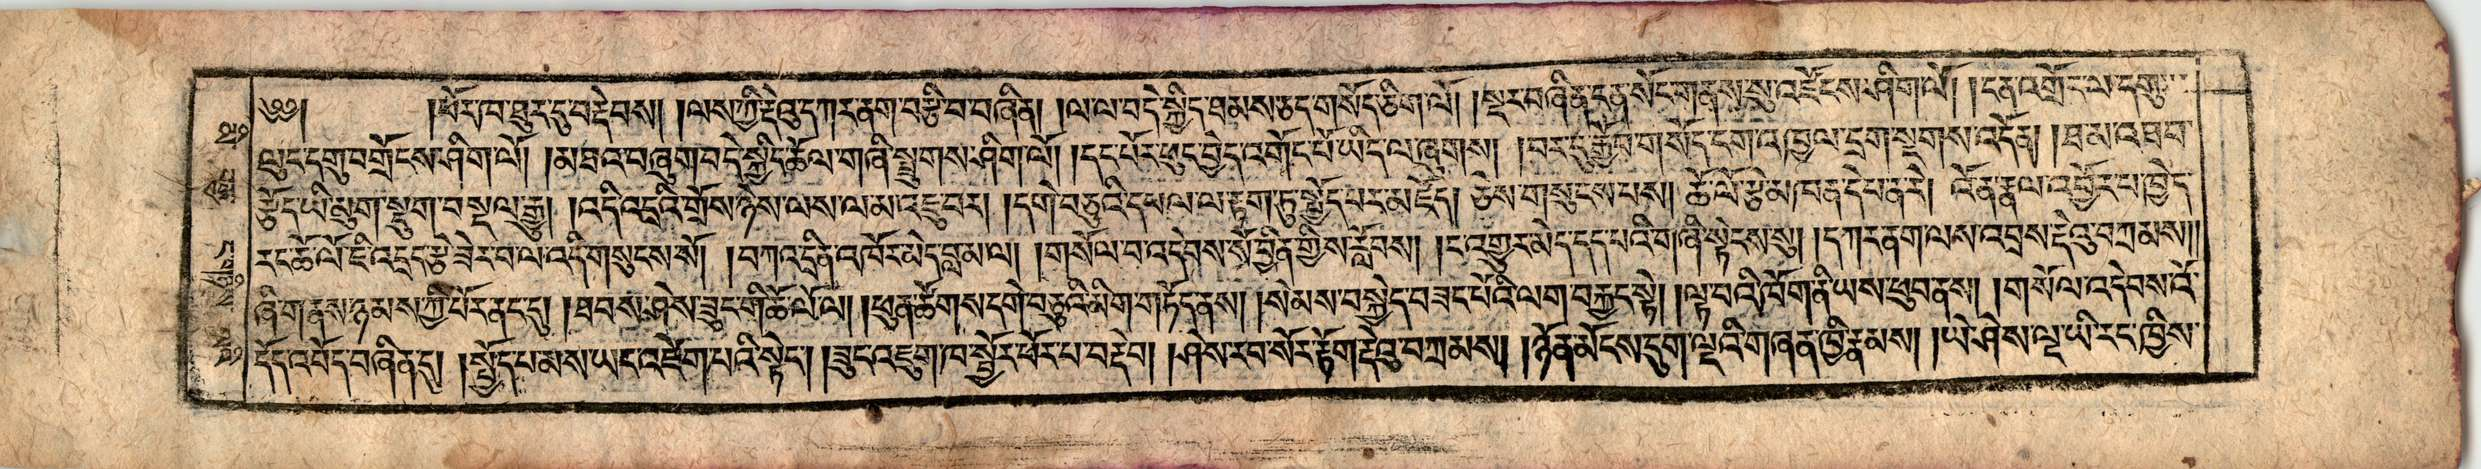ཕོར་ཁ་ཐུར་དུ་བརྡེབས། །ལས་ཀྱི་རྡེའུ་དཀར་ནག་བརྩི་བ་བཞིན། །ལ་ལ་བདེ་སྐྱིད་ཐམས་ཅད་གསོད་ཅིག་ལོ། །སྔར་བཞིན་ངན་སོང་གནས་སུ་འཛོངས་ཤིག་ལོ། །ངན་འགྲོར་ལ་དགུ་
ལུང་དགུ་བགྲོངས་ཤིག་ལོ། །མཐའ་བཞུག་བདེ་སྐྱིད་ཆོལ་གཞི་སྤྲུགས་ཤིག་ལོ། །དང་པོར་ཕུང་བྱེད་འགོང་པོ་ཡིད་ལ་ཞུགས། །བར་དུ་རྒྱོབ་གསོད་ངག་འཁྱལ་དྲག་སྔགས་འདོན། །ཐ་མ་འཐབ་
རྩོད་ཡི་མུག་སྡུག་བསྔལ་རྒྱུ། །འདི་འདྲའི་གྲོས་ཉེས་ལས་ལ་མ་འཇུ་བར། །དགེ་བཅུའི་དཔལ་ལ་རྟག་ཏུ་སྤྱོད་པར་མཛོད། ཅེས་གསུངས་པས། ཆོ་ལོ་རྩེ་མཁན་དེ་པ་ན་རེ། འོ་ན་རྣལ་འབྱོར་པ་ཁྱེད་
རང་ཆོ་ལོ་ཇི་འདྲར་རྩེ་ཟེར་བ་ལ་འདི་གསུངས་སོ། །བཀའ་དྲིན་འཁོར་མེད་བླ་མ་ལ། །གསོལ་བ་འདེབས་སོ་བྱིན་གྱིས་རློབས། །ང་འགྱུར་མེད་དད་པའི་གཞི་སྟེངས་སུ། །དཀར་ནག་ལས་འབྲས་རྡེའུ་བཀྲམས། །
ཞི་གནས་ཉམས་ཀྱི་ཕོར་ནང་དུ། །ཐབས་ཤེས་ཟུང་གི་ཆོ་ལོ་ལ། །ཕུན་ཚོགས་དགེ་བཅུའི་མིག་གཏོད་ནས། །སེམས་བསྐྱེད་བཟང་པོའི་ལག་བརྐྱང་སྟེ། །ལྟ་བའི་ཁོག་ནི་ཡས་ཕུབ་ནས། །གསོལ་འདེབས་འོ་
དོད་འབོད་བཞིན་དུ། །སྤྱོད་པ་མས་ཡར་འཛེག་པའི་སྟེང་། །ཟུང་འཇུག་ཁ་སྦྱོར་ཕོར་པ་བརྡེབ། །ཤེས་རབ་སོར་རྟོག་རྡེའུ་བཀྲམས། །ཉོན་མོངས་དུག་ལྔའི་གཞན་ཁྱི་རྣམས། །ཡེ་ཤེས་ལྔ་ཡི་རང་ཁྱིས་